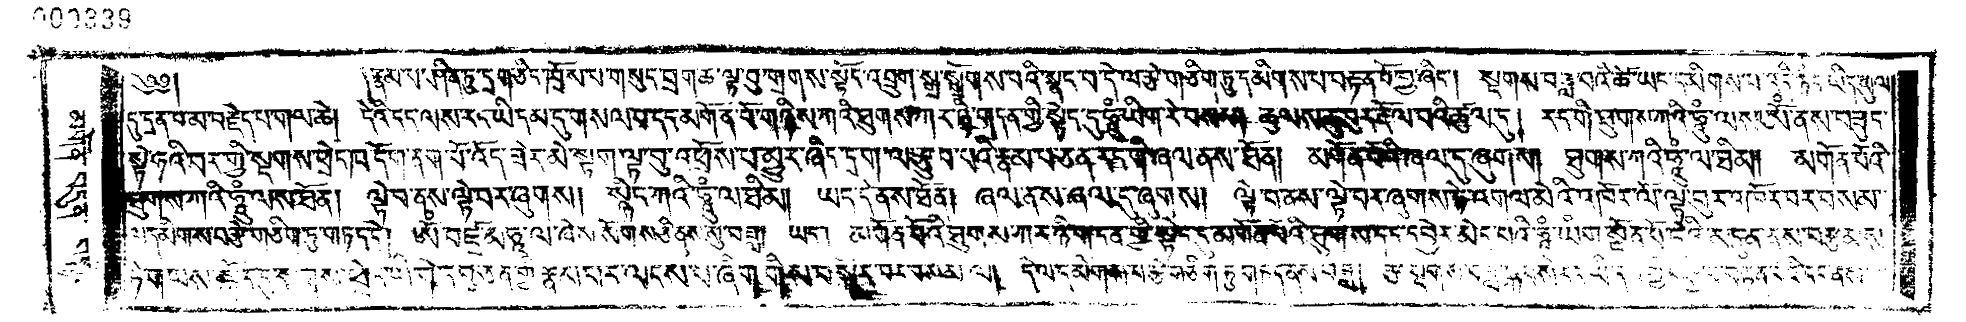༄༅། །རྣམ་པ་ཤིན་ཏུ་དྲག་ཅིང་ཁྲོས་པ་གསུང་བྲག་ཆ་ལྟ་བུ་གྲགས་སྟོང་འབྲུག་སྒྲ་སྒྲོགས་པའི་སྣང་བ་དེ་ལ་རྩེ་གཅིག་ཏུ་དམིགས་པ་བརྟན་པོ་བྱ་ཞིང་། སྔགས་བཟླ་བའི་ཚེ་ཡང་དམིགས་པ་འདི་ཉིད་ཡིད་ཡུལ་
དུ་དྲན་པ་མ་བརྗེད་པ་གལ་ཆེ། དེའི་ངང་ལས་རང་ཡི་དམ་དུ་གསལ་བ་དང་མགོན་པོ་གཉིས་ཀའི་ཐུགས་ཀར་ཉི་གདན་གྱི་སྟེང་དུ་ཧཱུཾ་ཡིག་རེ་བསམ། ཆུ་ལས་ཆུ་བུར་རྡོལ་བའི་ཚུལ་དུ། རང་གི་ཐུགས་ཀའི་ཧཱུཾ་ལས་ཨོཾ་ནས་བཟུང་
སྟེ་ཧའི་བར་གྱི་སྔགས་ཕྲེང་ཁ་དོག་ནག་པོ་འོད་ཟེར་མེ་སྟག་ལྟ་བུ་འཕྲོས་པ་མྱུར་ཞིང་དྲག་ལ་རྩུབ་པའི་རྣམ་པ་ཅན་རང་གི་ཞལ་ནས་ཐོན། མགོན་པོའི་ཞལ་དུ་ཞུགས། ཐུགས་ཀའི་ཧཱུཾ་ལ་ཐིམ། མགོན་པོའི་
ཐུགས་ཀའི་ཧཱུཾ་ལས་ཐོན། ལྟེ་བ་ནུས་ལྟེ་བར་ཞུགས། སྙིང་ཀའི་ཧཱུཾ་ལ་ཐིམ། ཡང་དེ་ནས་ཐོན། ཞལ་ནས་ཞལ་དུ་ཞུགས། ལྟེ་བ་ནས་ལྟེ་བར་ཞུགས་ཏེ་འགལ་མེའི་འཁོར་ལོ་ལྟ་བུར་འཁོར་བར་བསམ་
ལ་དམིགས་བརྩེ་གཅིག་ཏུ་གཏད་དེ། ཨོཾ་བཛྲ་མཧཱ་ལ་ཞེས་སོགས་ཅི་ནུས་སུ་བཟླ། ཡང་།  མགོན་པོའི་ཐུགས་ཀར་ཉི་གདན་གྱི་སྟེང་དུ་མགོན་པོའི་ཐུགས་དང་དབྱེར་མེད་པའི་ཧཱུཾ་ཡིག་སྔོན་པོ་དེའི་མདུན་ནས་བརྩམས་
ཏེ་གཡས་སྐོར་དུ་སྔགས་ཕྲེང་ཡི་གེ་དབུ་ཅན་གྱི་རྣམ་པར་ལངས་པ་ཞིག་གིས་བསྐོར་བར་བསམ་ལ། དེ་ལ་དམིགས་པ་རྩེ་གཅིག་ཏུ་གཏད་ནས་བཟླ། རྩ་སྔགས་བཟླ་སྐབས་རང་ཡི་དམ་གྱི་ང་རྒྱལ་བརྟན་པོའི་ངང་ནས་